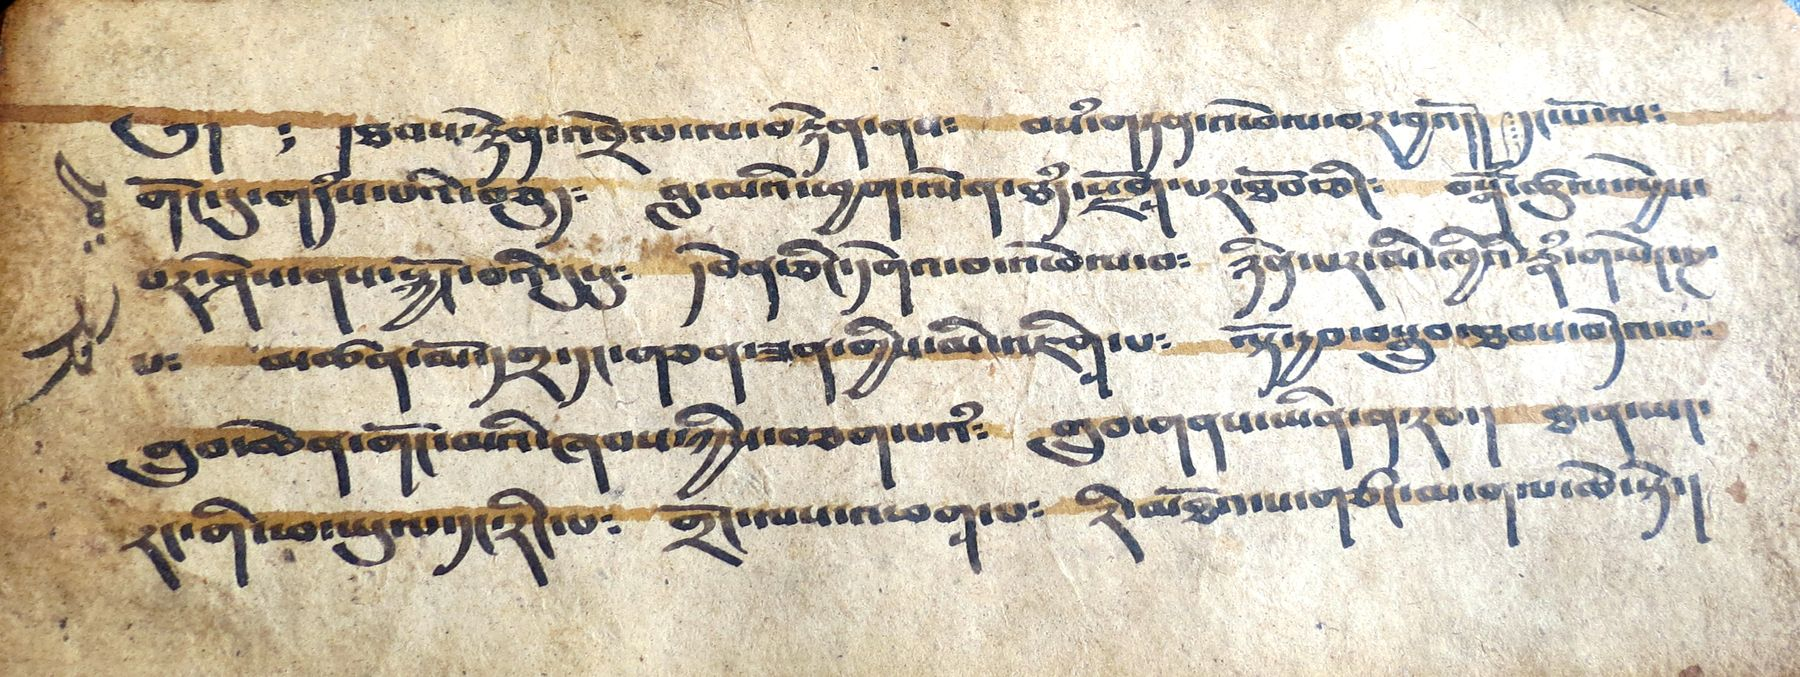ཐབས་རྟེན་འབྲེལ་ལ་བརྟེན་ནས་བསམ་གཏན་འཕེལ་བར་བྱའོ། ། དང་པོ་ལ་
གོང་དུ་གདམས་པའི་བཅུད། བླ་མའི་ཕྱག་ལེན་ཐམས་ཅད་རྫོགས་པར་ཐོབ་ཅིང་། སྒོམ་ཚུལ་ལེགས་
པར་ཤེས་ནས་སྐྱོང་བའི་དུས་སུ། དབེན་ཞིང་དགེ་བ་འཕེལ་བ་ཉིན་པར་མི་ཁྱིའི་གཡེང་མེད་
པ། མཚན་མོ་དགྲ་དང་གཅན་གཟན་གྱིས་མི་འཇིགས་པ། ལྟོ་རྒྱབ་བསྒྲུབ་ཐབས་བདེ་བ། 
གྲུབ་ཆེན་གོང་མ་ཞབས་ཀྱིས་བཅགས་པའི་སྒྲུབ་གནས་ཡིན་ན་རབ། ཐ་ན་ཡང་
རང་གི་ཕ་ཡུལ་དང་རི་གྲོང་ལས་འཕགས་པ། རི་མཐོ་ས་གཙང་མ་གལ་ཆེ་སྟེ།